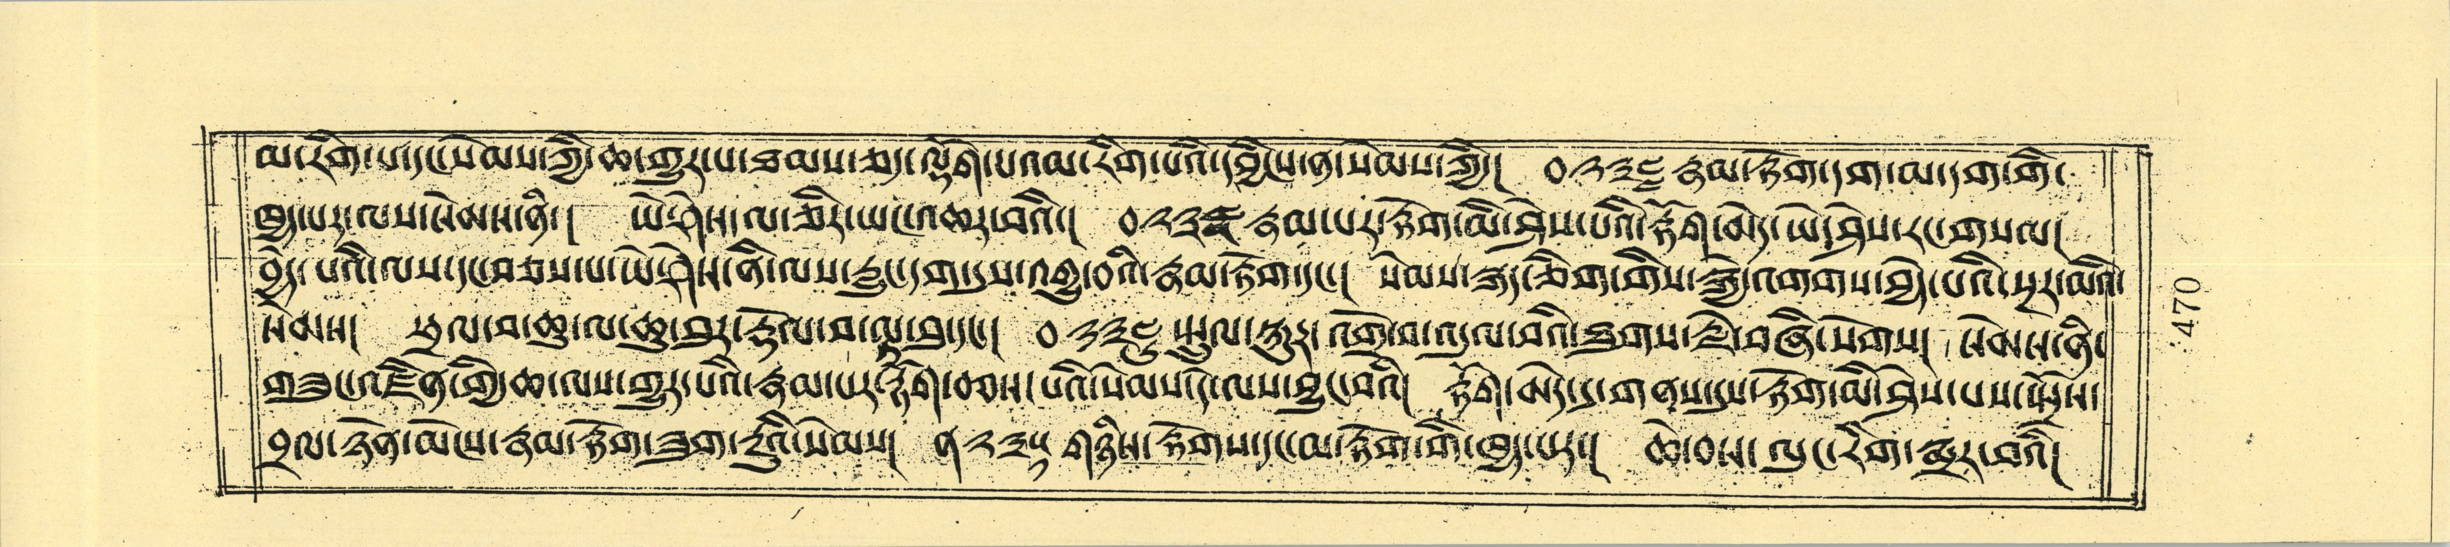མ་རིག་པ་དང་སེམས་ཀྱི་ཆ་གྱུར་པ་ཐམས་ཅད་༼ལྡོག་པའམ༽རིག་པའི་དབྱིངས་ན་སེམས་ཀྱི་བ༢༣༤།༤རྣམ་རྟོག་དག་མ་དག་གི་
ཁྱད་པར་ལས་༼སེམས་ནི༽༼ཡེ་ཤེས་ལ༽ཅིར་ཡང་འཆར་བའི་བ༢༣༤།༥རྣམ་པར་རྟོག་མི་ཤེས་པའི་༼རྟོག་མེད༽ཡེ་ཤེས་རང་གསལ་
༼བྱེད༽པའི་ལས་དང་བཅས་པ་༼ཡེ་ཤེས༽ནི་ལས་རླུང་དག་དུས་༼འགྱུ་བའི༽རྣམ་རྟོག་དང་། སེམས་སྐད་ཅིག་གིས་སྐྱེ་འགག་བྱེད་པའི་སྔར་མའི་
༼སེམས༽༼ཕྲལ་བ༽ཆུ་ལས་ཆུ་བུར་རྡོལ་བ་ལྟ་བུ་དང་བ༢༣༤།༦༼སྤྲུལ་སྐུར༽འགྲོ་བ་འདུལ་བའི་ཐུགས་རྗེ་བཞི་སོགས་༼སེམས་ནི༽
གཟུང་འཛིན་གྱི་ཆ་ལས་གྱུར་པའི་རྣམ་པར་༼རྟོག་བཅས༽པའི་སེམས་དེ་ལས་བྱུང་བའི་ ༼རྟོག་མེད་དུ༽གནས་དུས་རྟོག་མི་ཤེས་པས་༼སྤྲོས་
བྲལ༽ཉོན་མོངས་རྣམ་རྟོག་ཟུག་རྔུའི་སེམས་ན༢༣༥།༡ ༼གཉིས༽རྟོག་དང་མ་རྟོགས་ཀྱི་ཁྱད་པར་༼ཆེ་བས༽ལུང་རིགས་སྨྲ་བའི་